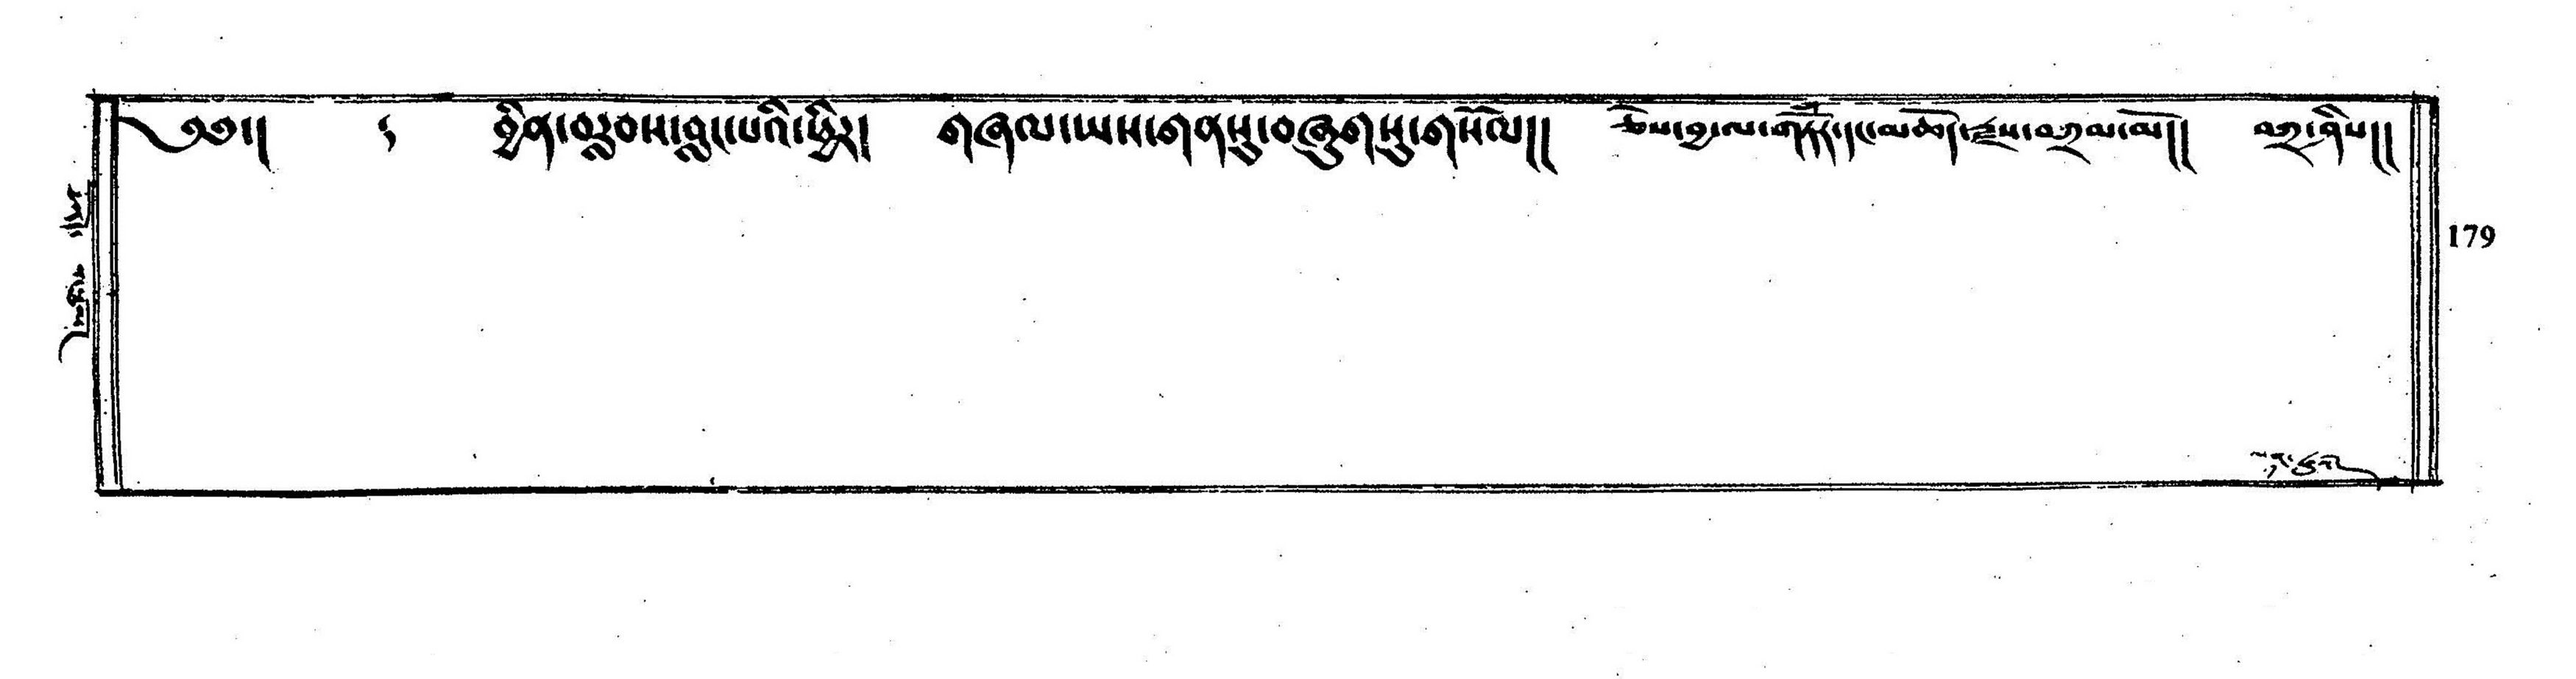བྱིན་བརླབས་བླང་པའི་ཕྱིར། གཞལ་ཡས་གནས་སུ་བཞུགས་སུ་གསོལ།། ཅེས་བྱ་ལ་གཏོར་མ་དང་མཆོད་རྫས་བཀྲམ་མོ།། བཀྲ་ཤིས།།